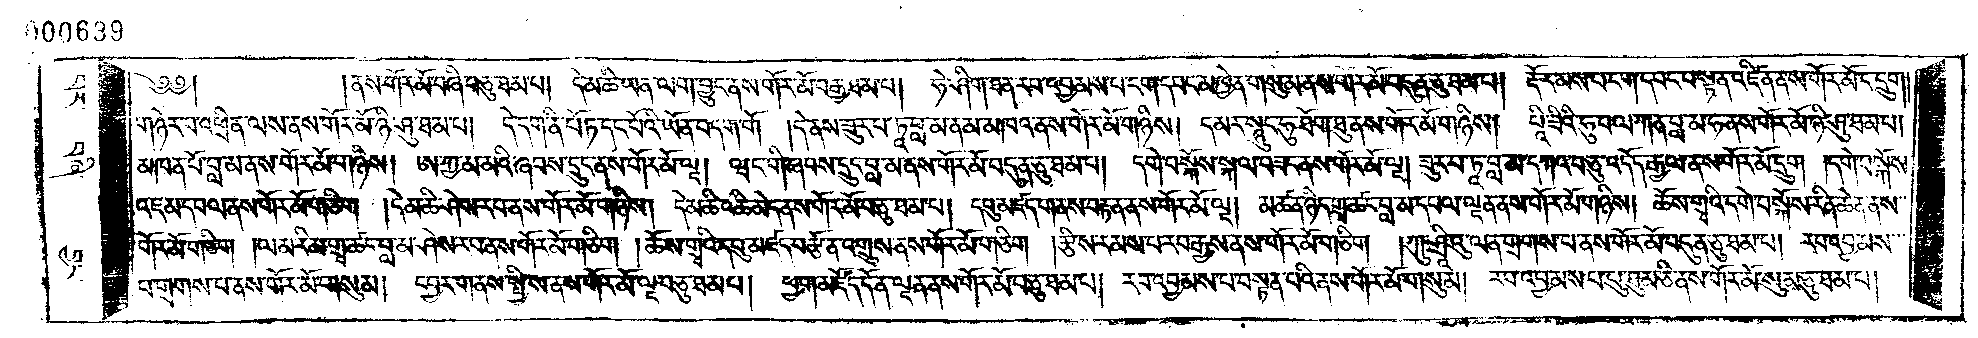༄༅། །ནས་གོར་མོ་བཞི་བཅུ་ཐམ་པ། དེམ་ཆི་ཡན་ལག་བྱུང་ནས་གོར་མོ་བརྒྱ་ཐམ་པ། ཧེ་ཤིག་ཐན་རབ་འབྱམས་པ་ངག་དབང་མཁྱེན་གསུམ་ནས་གོར་མོ་བདུན་ཅུ་ཐམ་པ། རྡོ་རམས་པ་ངག་དབང་བསྟན་འཛིན་ནས་གོར་མོ་ང་དྲུག །
གཉེར་བ་འཕྲིན་ལས་ནས་གོར་མོ་ཉི་ཤུ་ཐམ་པ། དེ་དག་ནི་པོཏ་དང་པོའི་ཡོན་བདག་གོ །དེ་ནས་ཟུར་པ་ཏཱ་བླ་མ་ནམ་མཁའ་ནས་གོར་མོ་གཉིས། དམར་སྙུང་ཧུ་ཐོག་ཐུ་ནས་གོར་མོ་གཉིས། པའི་ཟིའི་ཧུ་བལ་ཀན་བླ་མ་ཧ་ནས་གོར་མོ་ཉི་ཤུ་ཐམ་པ།
མཁན་པོ་བླ་མ་ནས་གོར་མོ་གཉིས། ཨ་ཀྱ་མ་མའི་ཞབས་དྲུང་ནས་གོར་མོ་ལྔ། ཝང་གི་ཞབས་དྲུང་བླ་མ་ནས་གོར་མོ་བདུན་ཅུ་ཐམ་པ། དགེ་བསྐོས་སྐལ་བཟང་ནས་གོར་མོ་ལྔ། ཟུར་བ་ཏཱ་བླ་མ་དཀའ་བཅུ་འདོད་རྒྱལ་ནས་གོར་མོ་དྲུག །དགེ་བསྐོས་
འཇམ་དཔལ་ནས་གོར་མོ་གཅིག །དེམ་ཆི་ཤེས་རབ་ནས་གོར་མོ་གཉིས། དེམ་ཆི་འཆི་མེད་ནས་གོར་མོ་བཅུ་ཐམ་པ། དབུ་མཛད་གནས་བརྟན་ནས་གོར་མོ་ལྔ། མཚན་ཉིད་གྲྭ་ཚང་བླ་མ་དཔལ་ལྡན་ནས་གོར་མོ་གཉིས། ཆོས་གྲྭའི་དགེ་བསྐོས་རིན་ཆེན་ནས་
གོར་མོ་གཅིག །ལམ་རིམ་གྲྭ་ཚང་བླ་མ་ཤེས་རབ་ནས་གོར་མོ་གཅིག །ཆོས་གྲྭའི་དབུ་མཛད་བརྩོན་འགྲུས་ནས་གོར་མོ་གཅིག །རྩིས་རམས་པ་རབ་རྒྱས་ནས་གོར་མོ་གཅིག །ཀུ་ཤྲཱི་འུ་ལན་གྲགས་པ་ནས་གོར་མོ་བདུན་ཅུ་ཐམ་པ། རབ་འབྱམས་
པ་གྲགས་པ་ནས་གོར་མོ་གསུམ། དབྱར་གནས་སྤྱི་ས་ནས་གོར་མོ་ལྔ་བཅུ་ཐམ་པ། ཕྱག་མཛོད་དོན་ལྡན་ནས་གོར་མོ་བཅུ་ཐམ་པ། རབ་འབྱམས་པ་བསྟན་པའི་ནས་གོར་མོ་གསུམ། རབ་འབྱམས་པ་པུ་ཐུམ་ཅི་ནས་གོར་མོ་སུམ་ཅུ་ཐམ་པ།